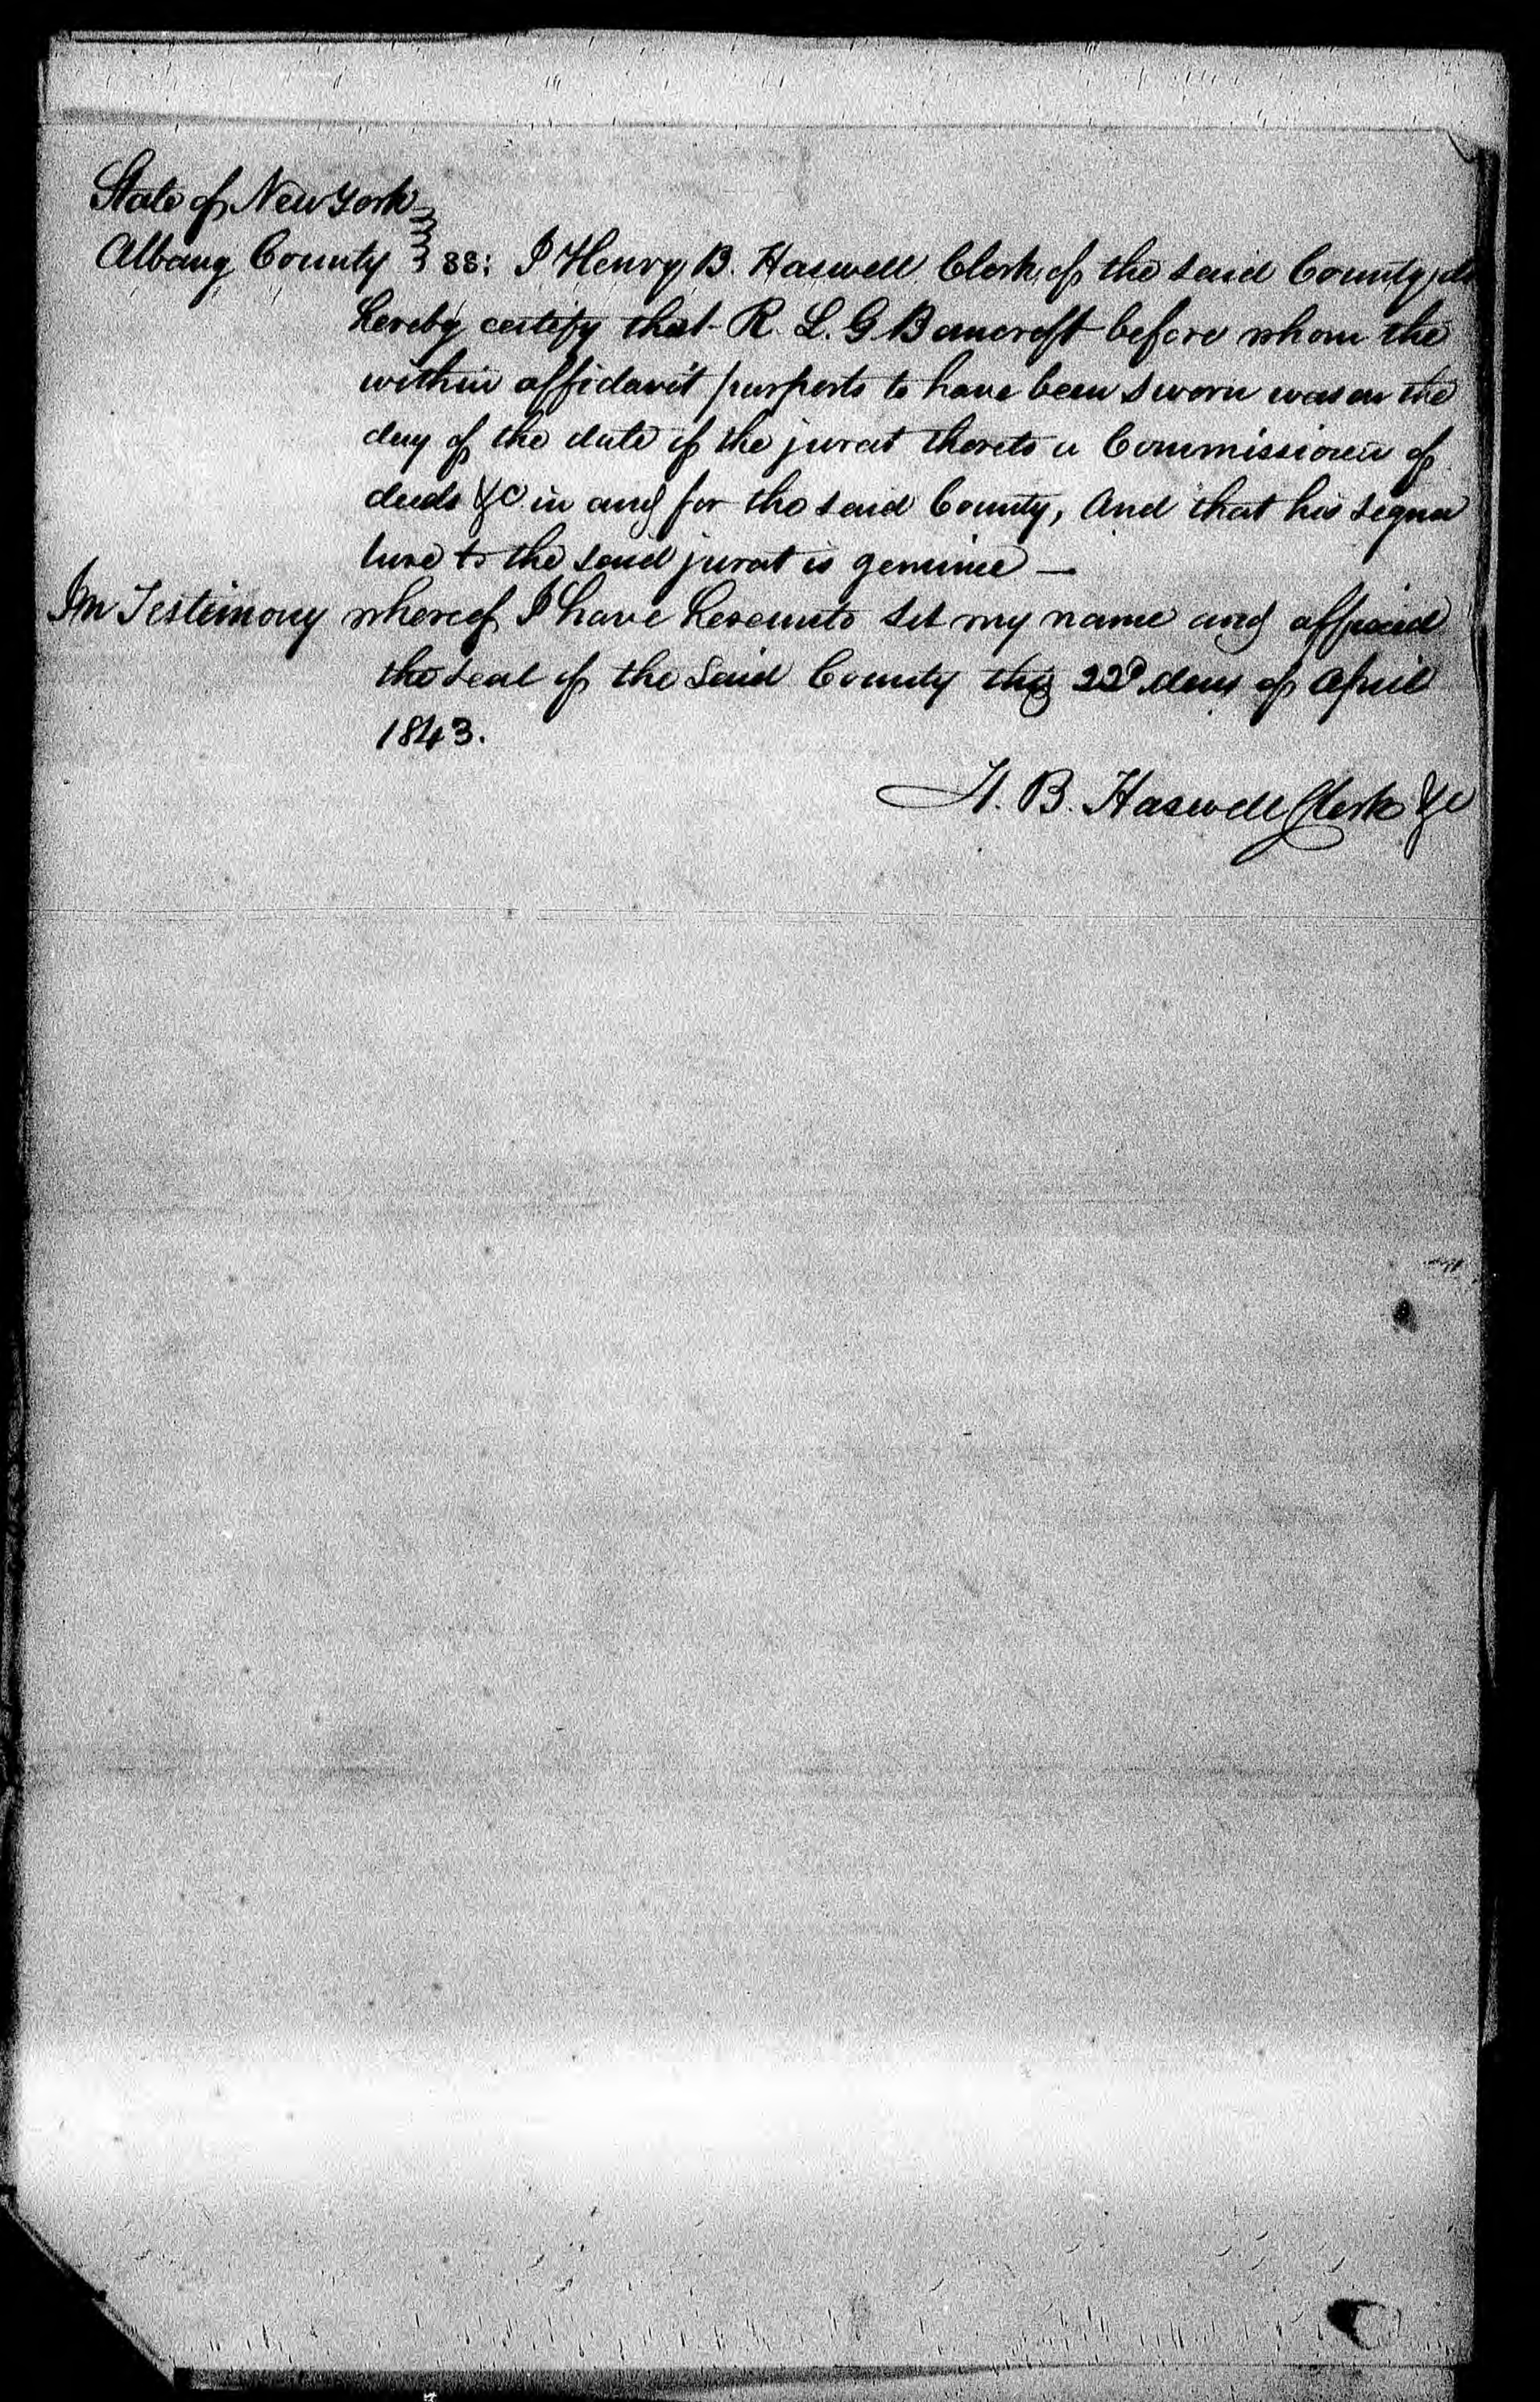State of New York
Albany County 88: I Henry B Haswell clerk of the said county do hereby certify that R. L. G. Bancroft before whom the within affidavit purports to have been sworn even on the
Day of the date of the jurat thereto is Commissioner of deeds [illegible] in and for the said County, and that his signed hand to the said jurat is genuine.

In Testimony whereof I have hereunto set my name and affixed the seal of the said Couny this 22nd day of April 1843.

H. B. Haswell Clerk [illegible]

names: H B Haswell, Henry B Haswell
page: 47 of 48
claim: widow's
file: W. 19788, Jacob W Hilton, New York